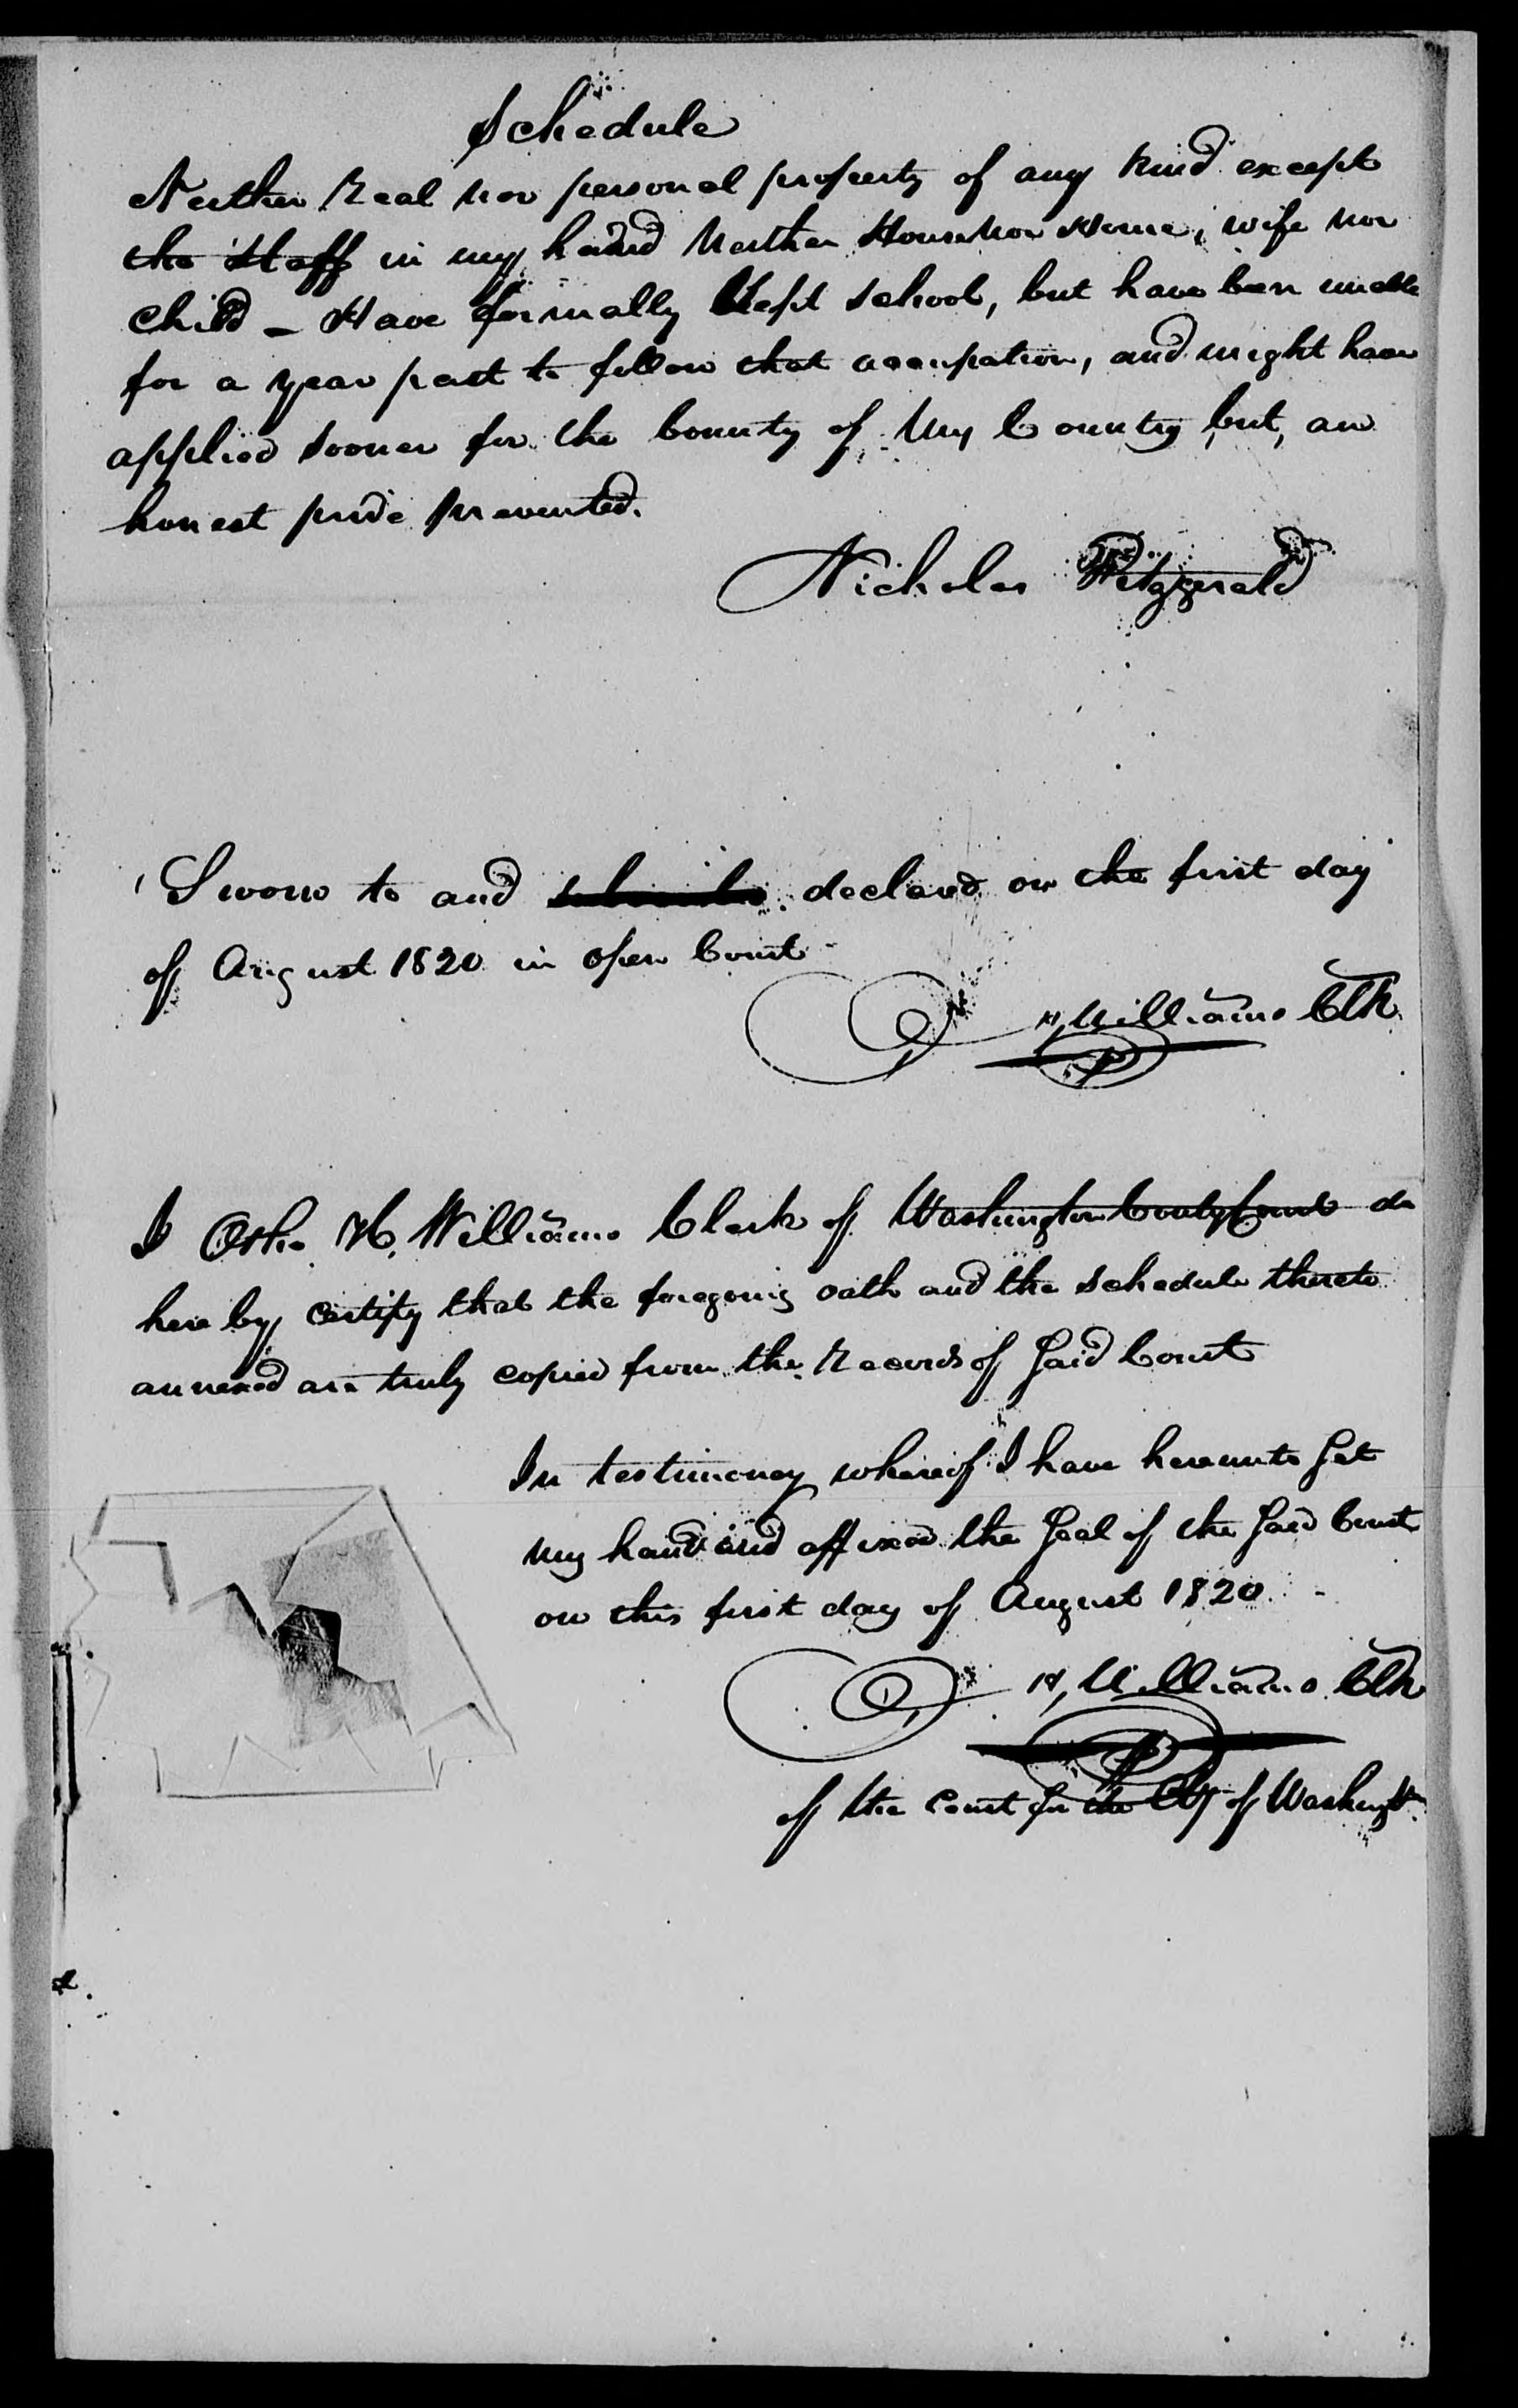Schedule
Neither real nor personal property of any kind except [the staff] in my hand Mother,  [illegible - 2 words], wife nor child - have formally left school, but have been unable for a year past to follow that occupation, and ought have applied sooner for the bounty of my Country, but are honest [illegible - 2 words].
Nicholas Fitzgerald

Sworn to and declared on the first day of August 1820 in Open Court
[signature illegible]
I Otto [illegible - 2 words] Clark of Washington County Court do hereby certify that the foregoing oath and the schedule thereto are [illegible] as a truly copies from the records of said court.
In testimony whereof I have herewith let my hand and office of the [illegible] of the said court on this first day of August 1820.
Signature-illegible
of the Court for the City of Washington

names: Otho H Williams, O H Williams, Nicholas Fitzgerald, O H Williams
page: 6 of 7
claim: survivor's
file: S. 34,852, Nicholas Fitzgerald, Md.